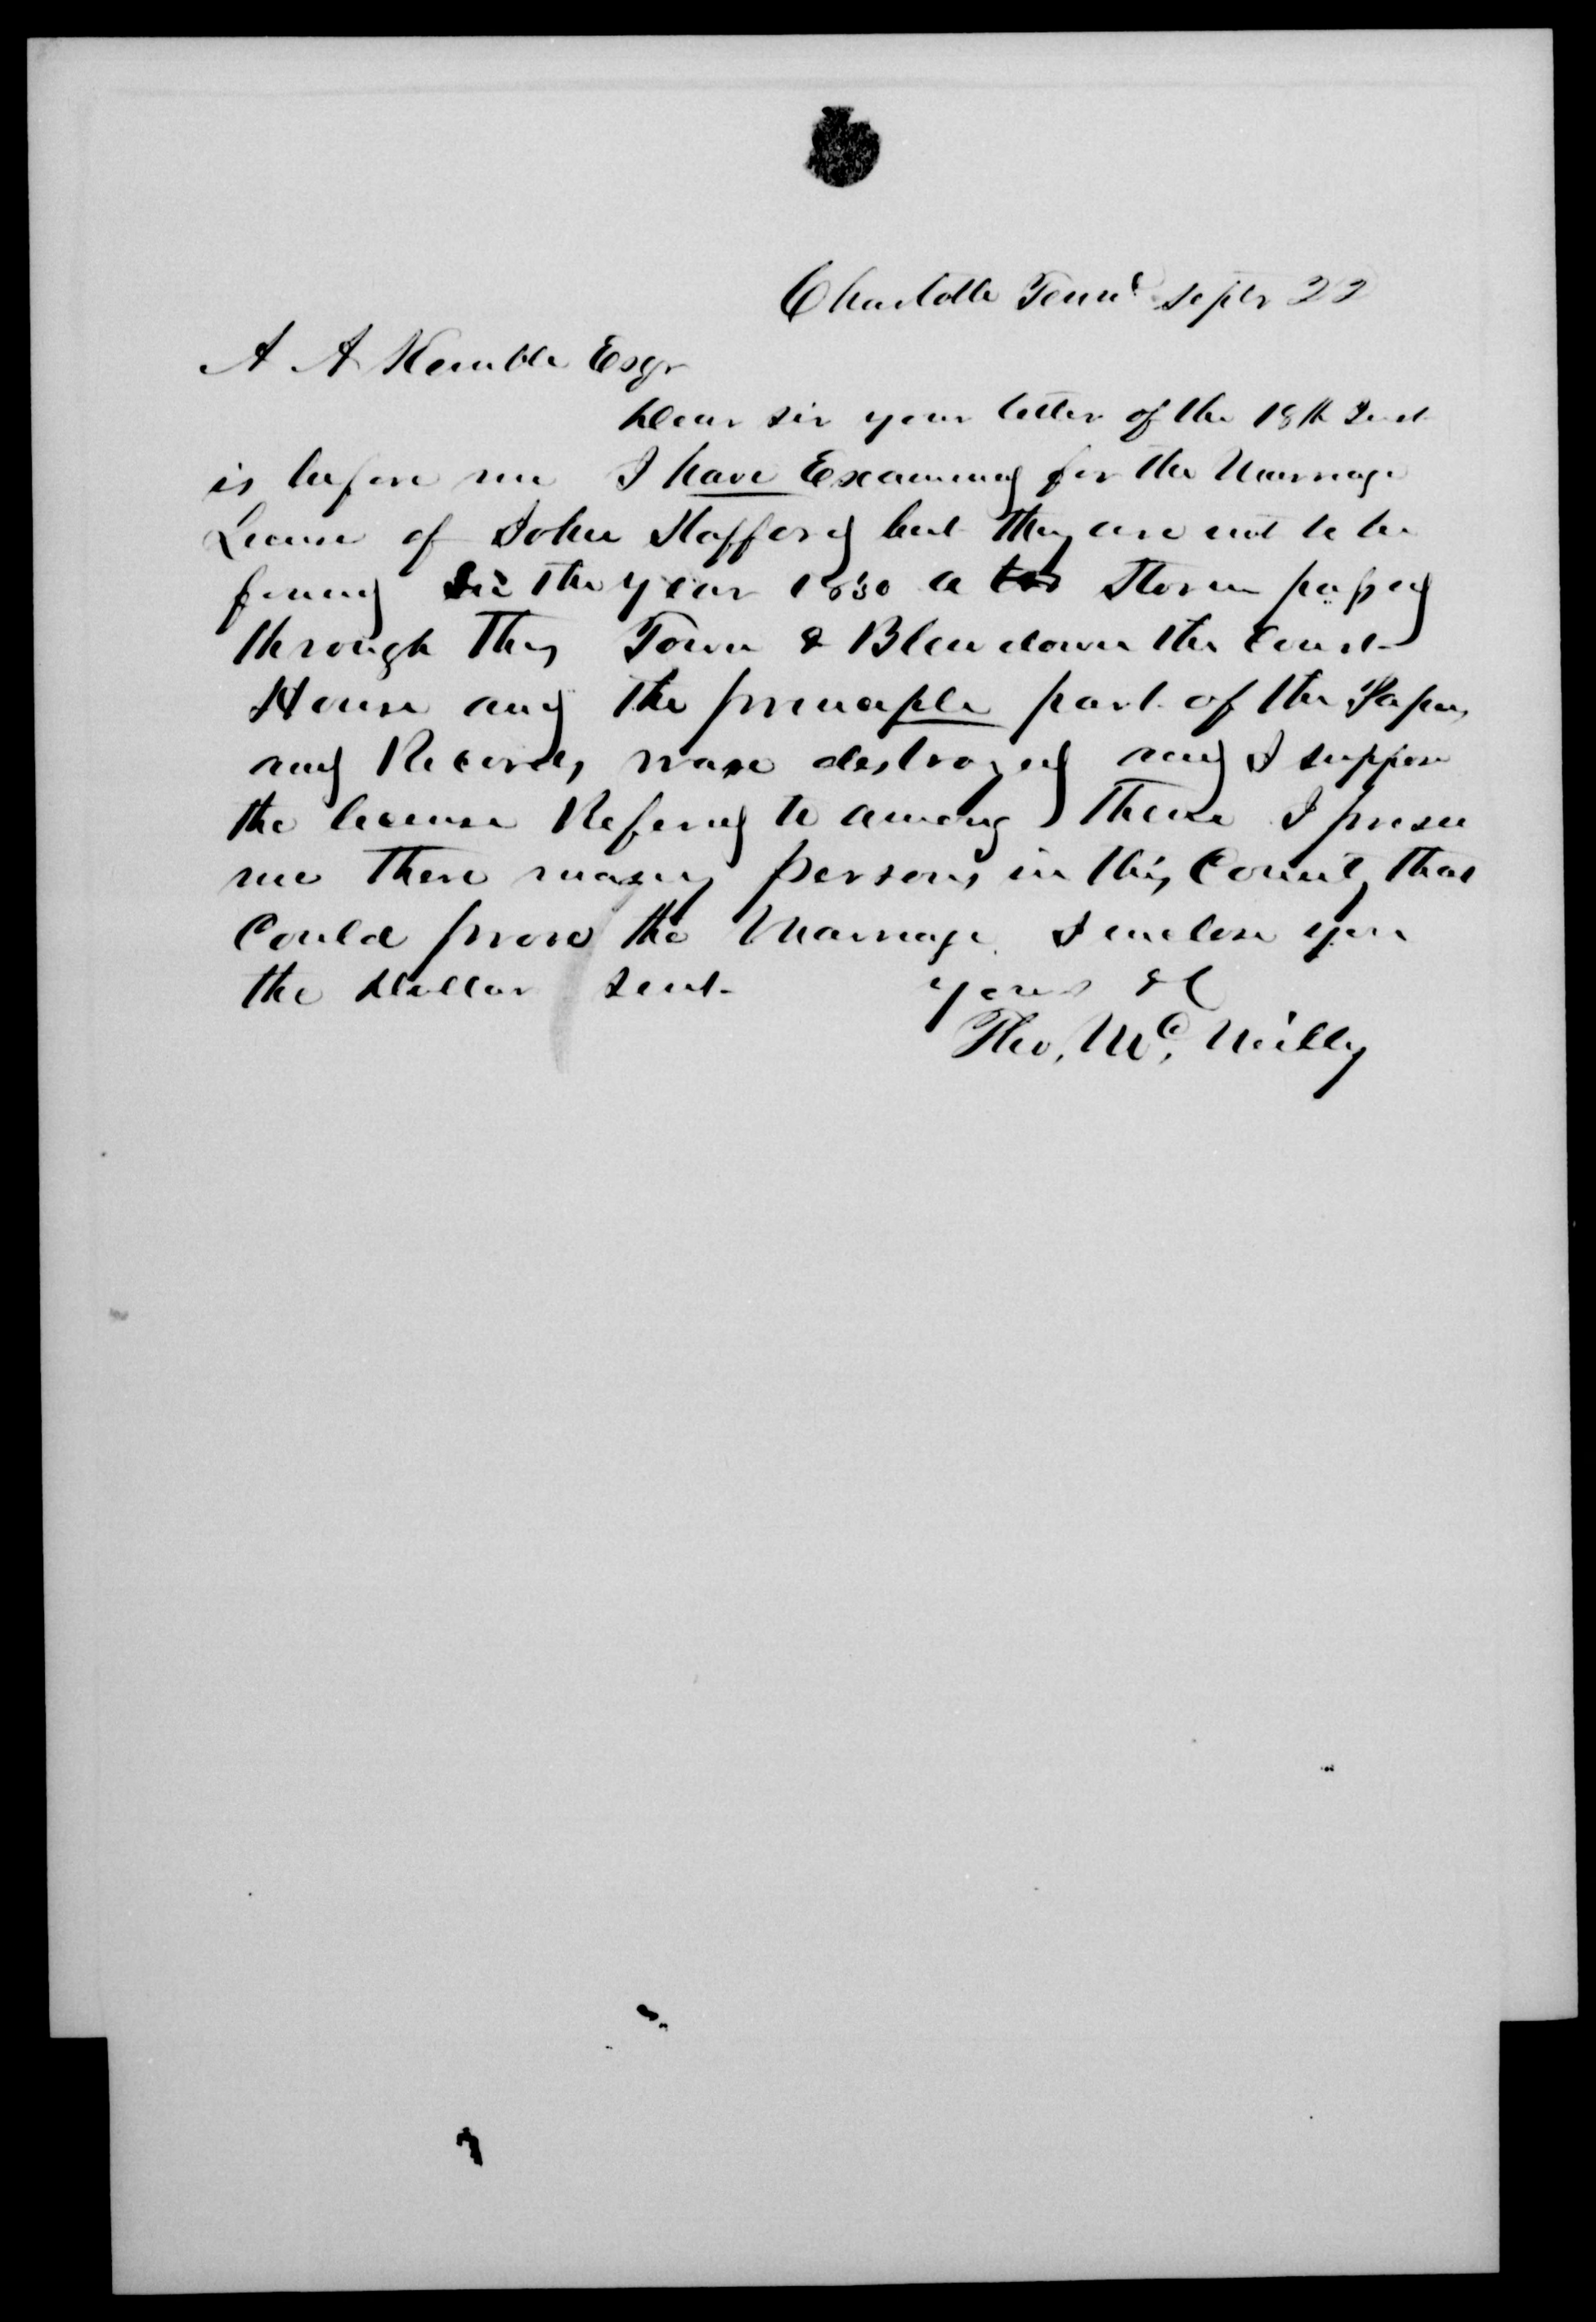Charlotte Tenn. Sep 22

A. A. Kemble Esq.

Dear Sir your letter of the 15th inst. is before me; I have examined for the money.Licence of John Stafford by they are out to be winery See the you . See the your 1830 a tot storie popey through Thy Town & Been down the Court. Never any the principle part of the papers, any Record, was destroyed  any I suppose the leaves Refering to away. There I pusee me there surgery persons in this Couty, that Could prove the Marriage. I enten you the Dalton sent.
Yours &c
Tho. McWilly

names: Tho Mc Willy; John Stafford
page: 49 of 61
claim: widow's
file: W. 11554, for John Stafford, Maryland